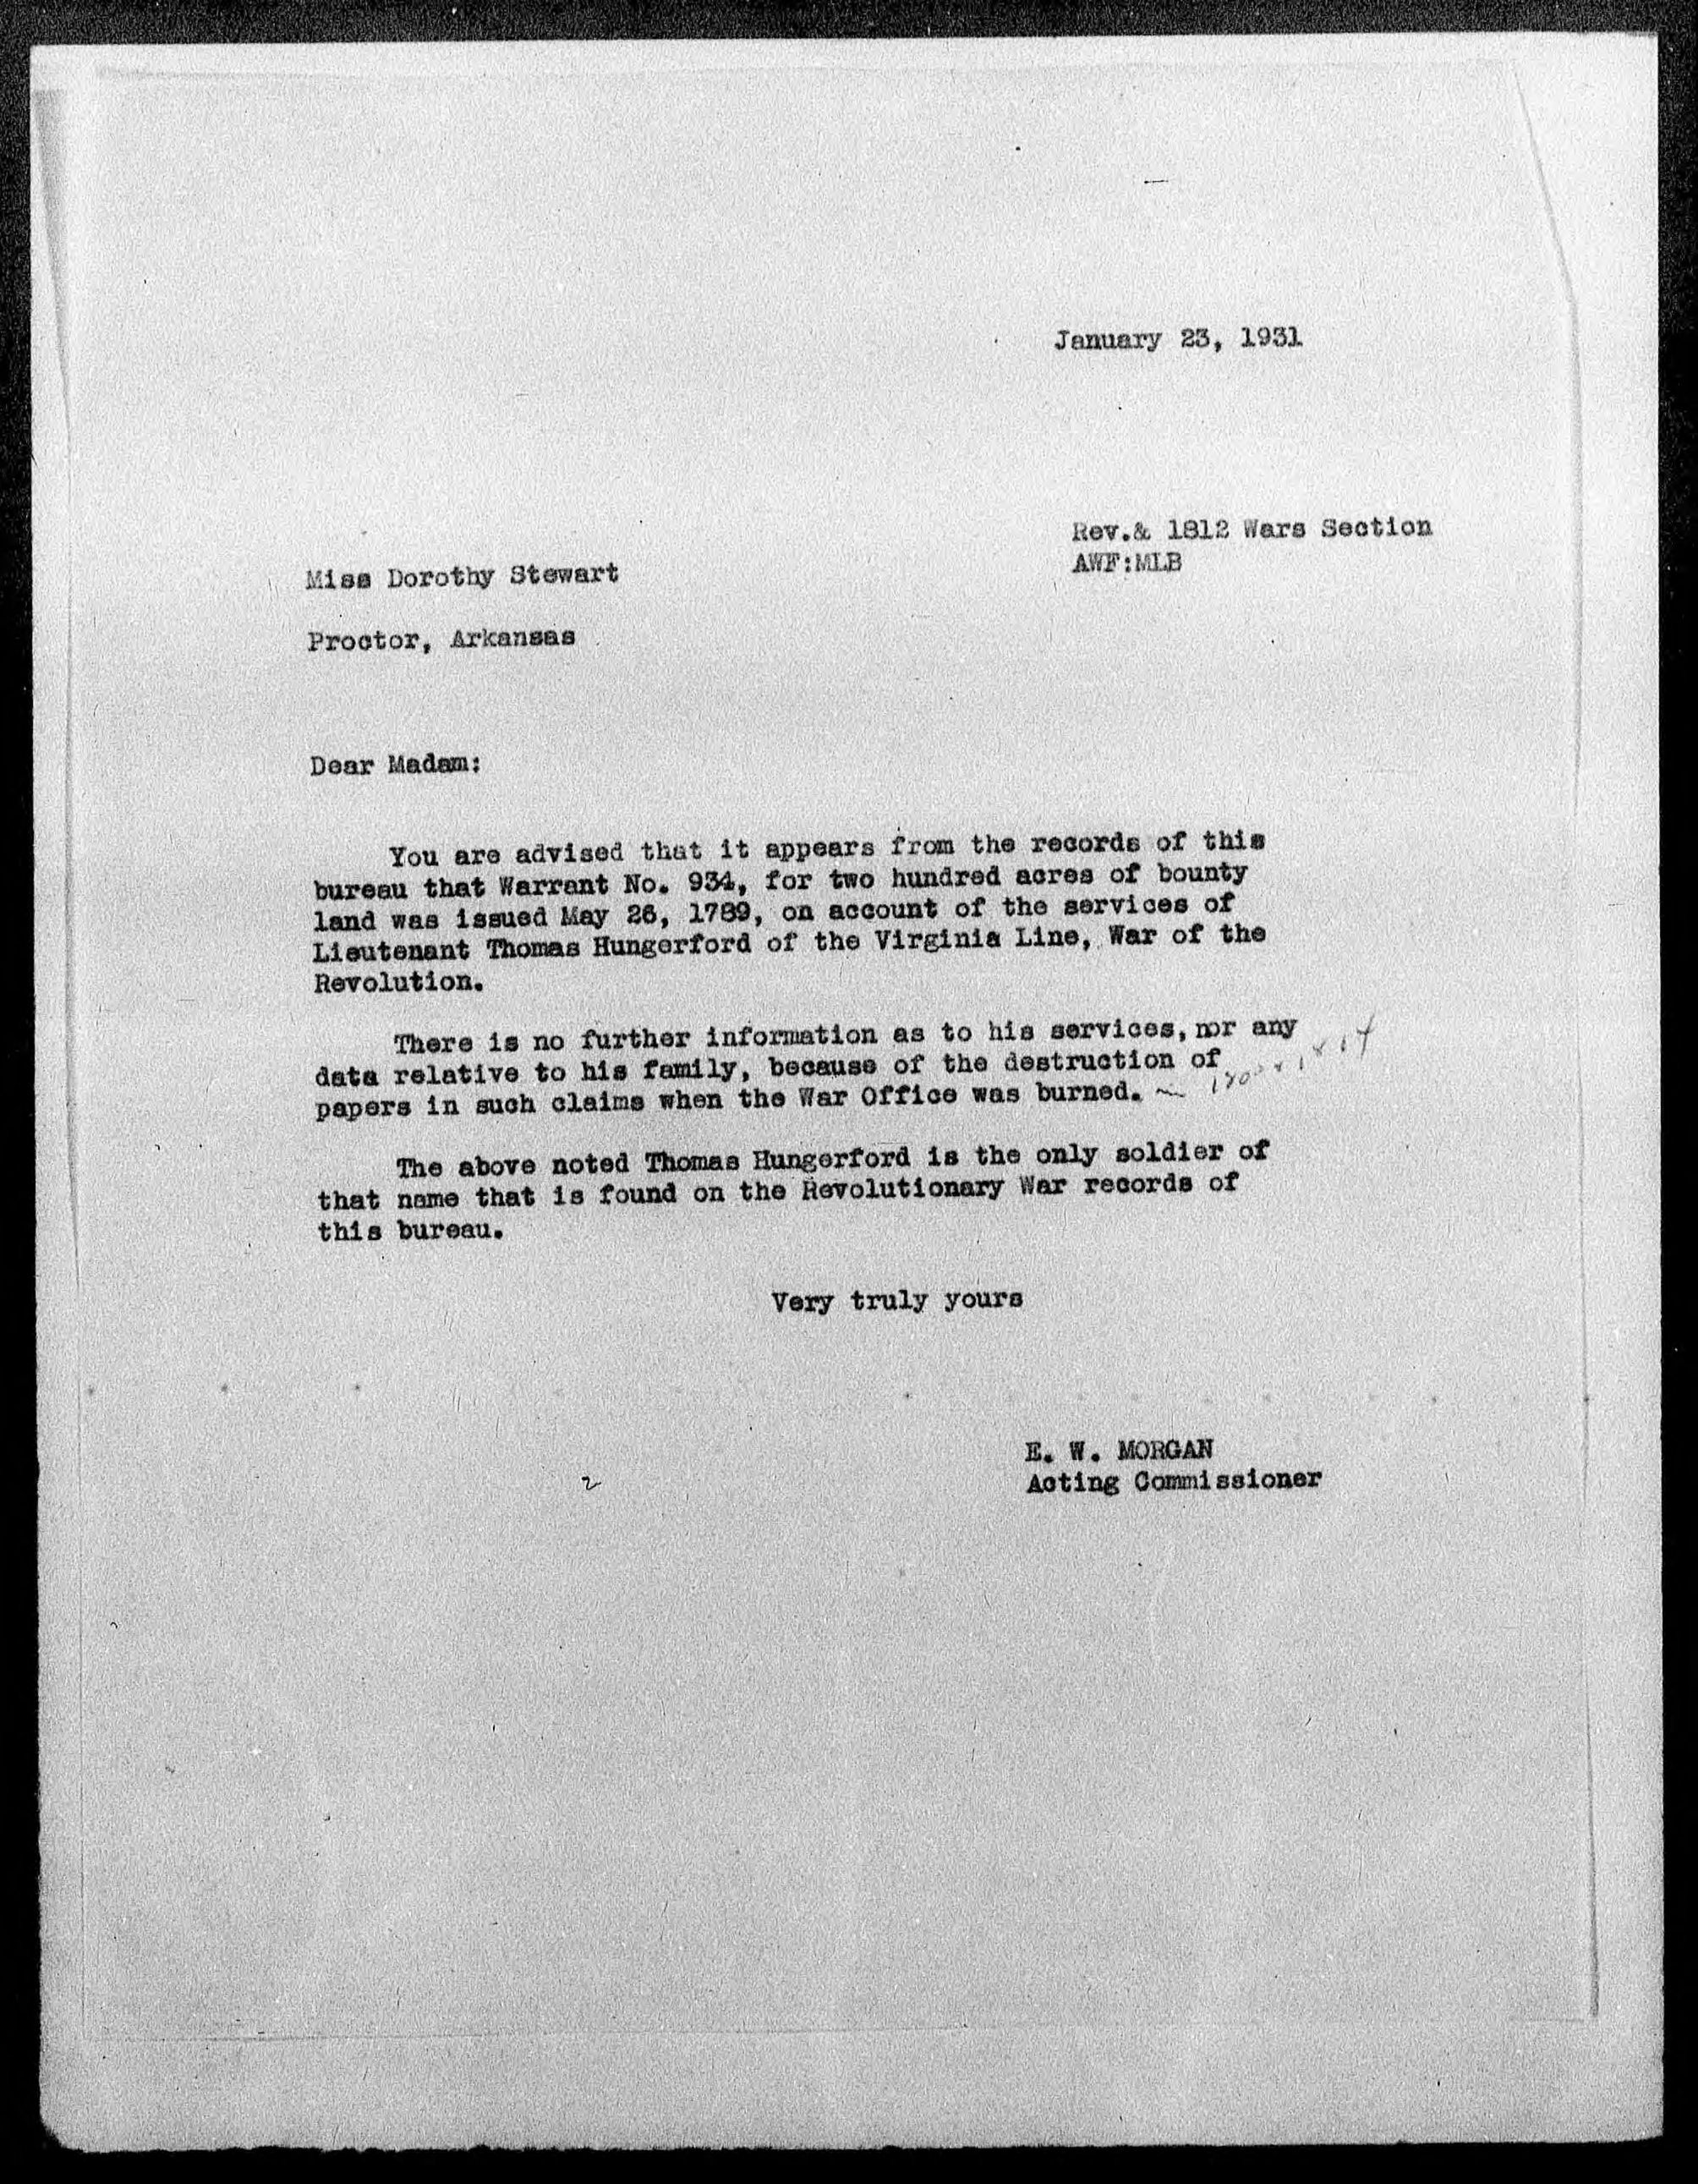January 23, 1931

Rev. & 1812 Wars Section
AWF: MLB

Miss Dorothy Stewart
Proctor, Arkansas
Dear Madam:
You are advised that it appears from the records of this bureau that Warrant No. 934, for two hundred acres of bounty land was issued May 26, 1789, on account of the services of Lieutenant Thomas Hungerford of the Virginia Line, War of the Revolution.
There is no further information as to his services, nor any data relative to his family, because of the destruction of papers in such claims when the War Office was burned. 1800 & 1814
The above noted Thomas Hungerford is the only soldier of that name that is found on the Revolutionary War records of this bureau.
Very truly yours
[unsigned]
E. W. MORGAN
Acting Commissioner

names: E W Morgan, Thomas Hungerford, Dorothy Stewart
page: 6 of 7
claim: bounty land warrant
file: B. L. Wt. 934-200, Thomas Hungerford, Va.